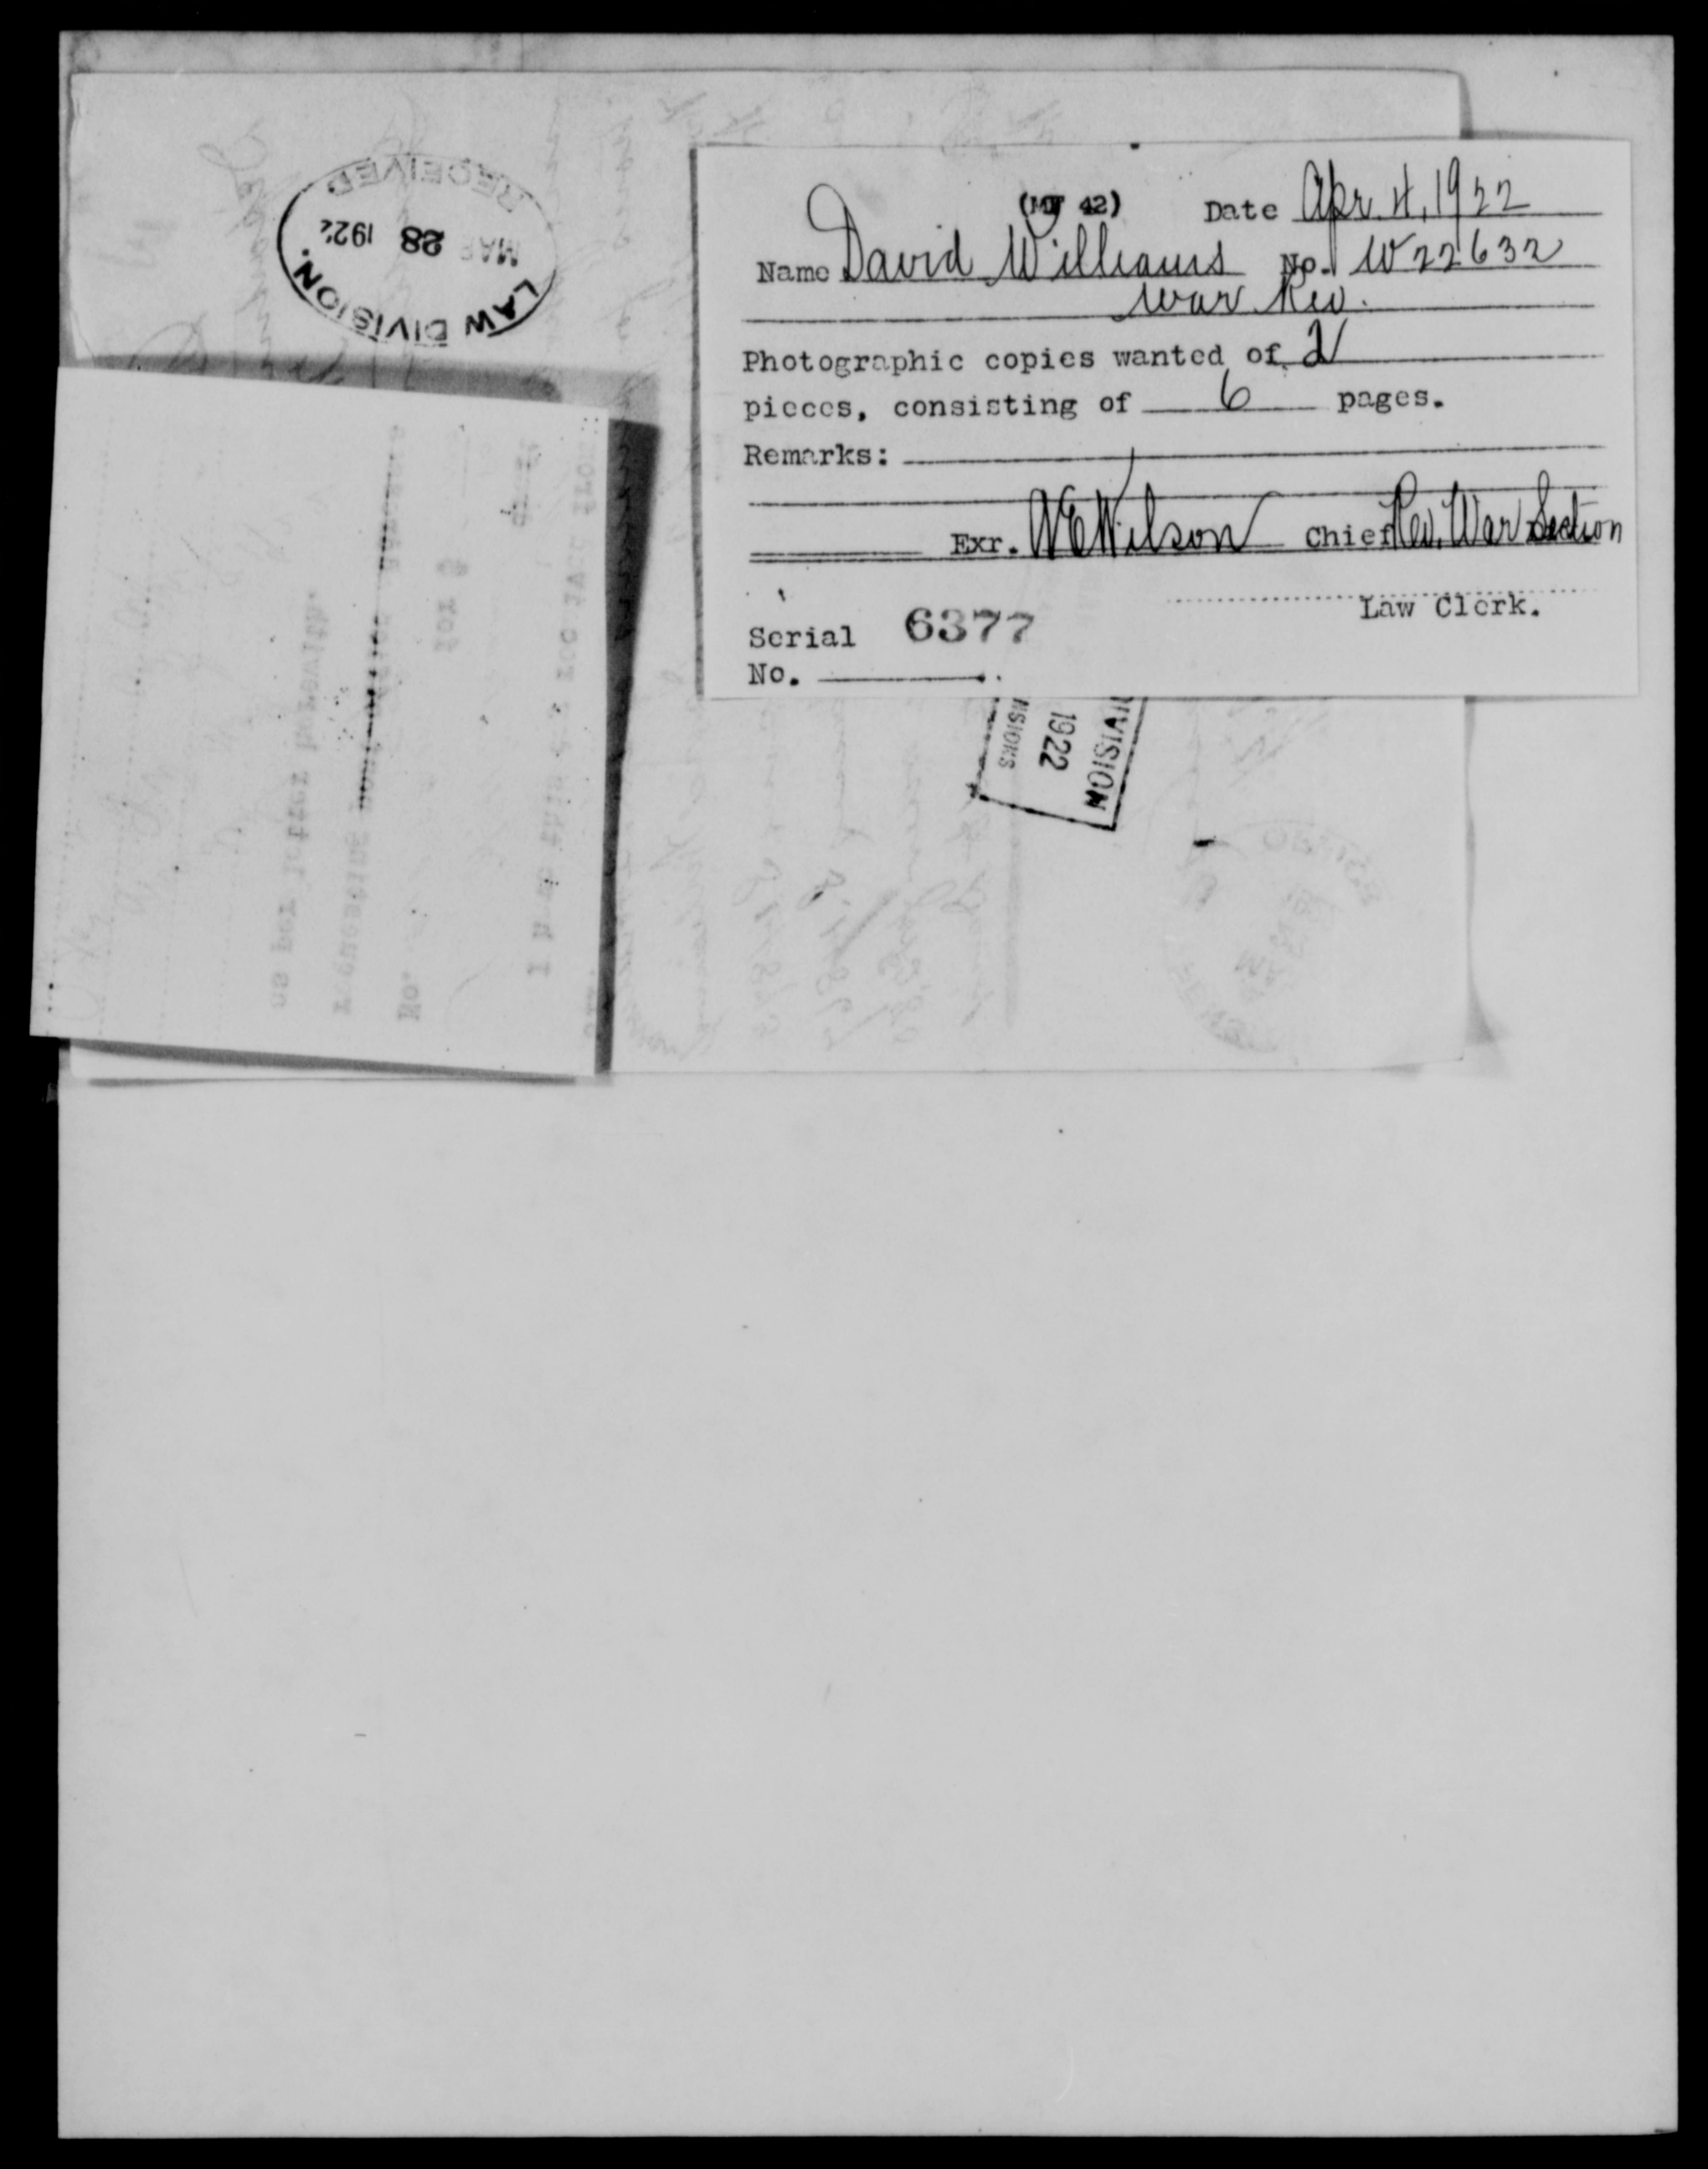(stamp): Law Division Received
Mar 28 1922

(MF 42)  Date Apr 4, 1922
Name David Williams No. W22632
War Rev
Photographic copies wanted of 2 pieces, consisting of 6 pages.
Remarks:___
Exr. W E Wilson chief Rev. War Section
Serial 6377  Law Clerk.
No. __

(stamp partially obscured): Division 1922 nsions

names: David Williams, A E Wilson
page: 56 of 63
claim: widow's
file: W. 22,632, David Williams, Conn. Continental Privateer